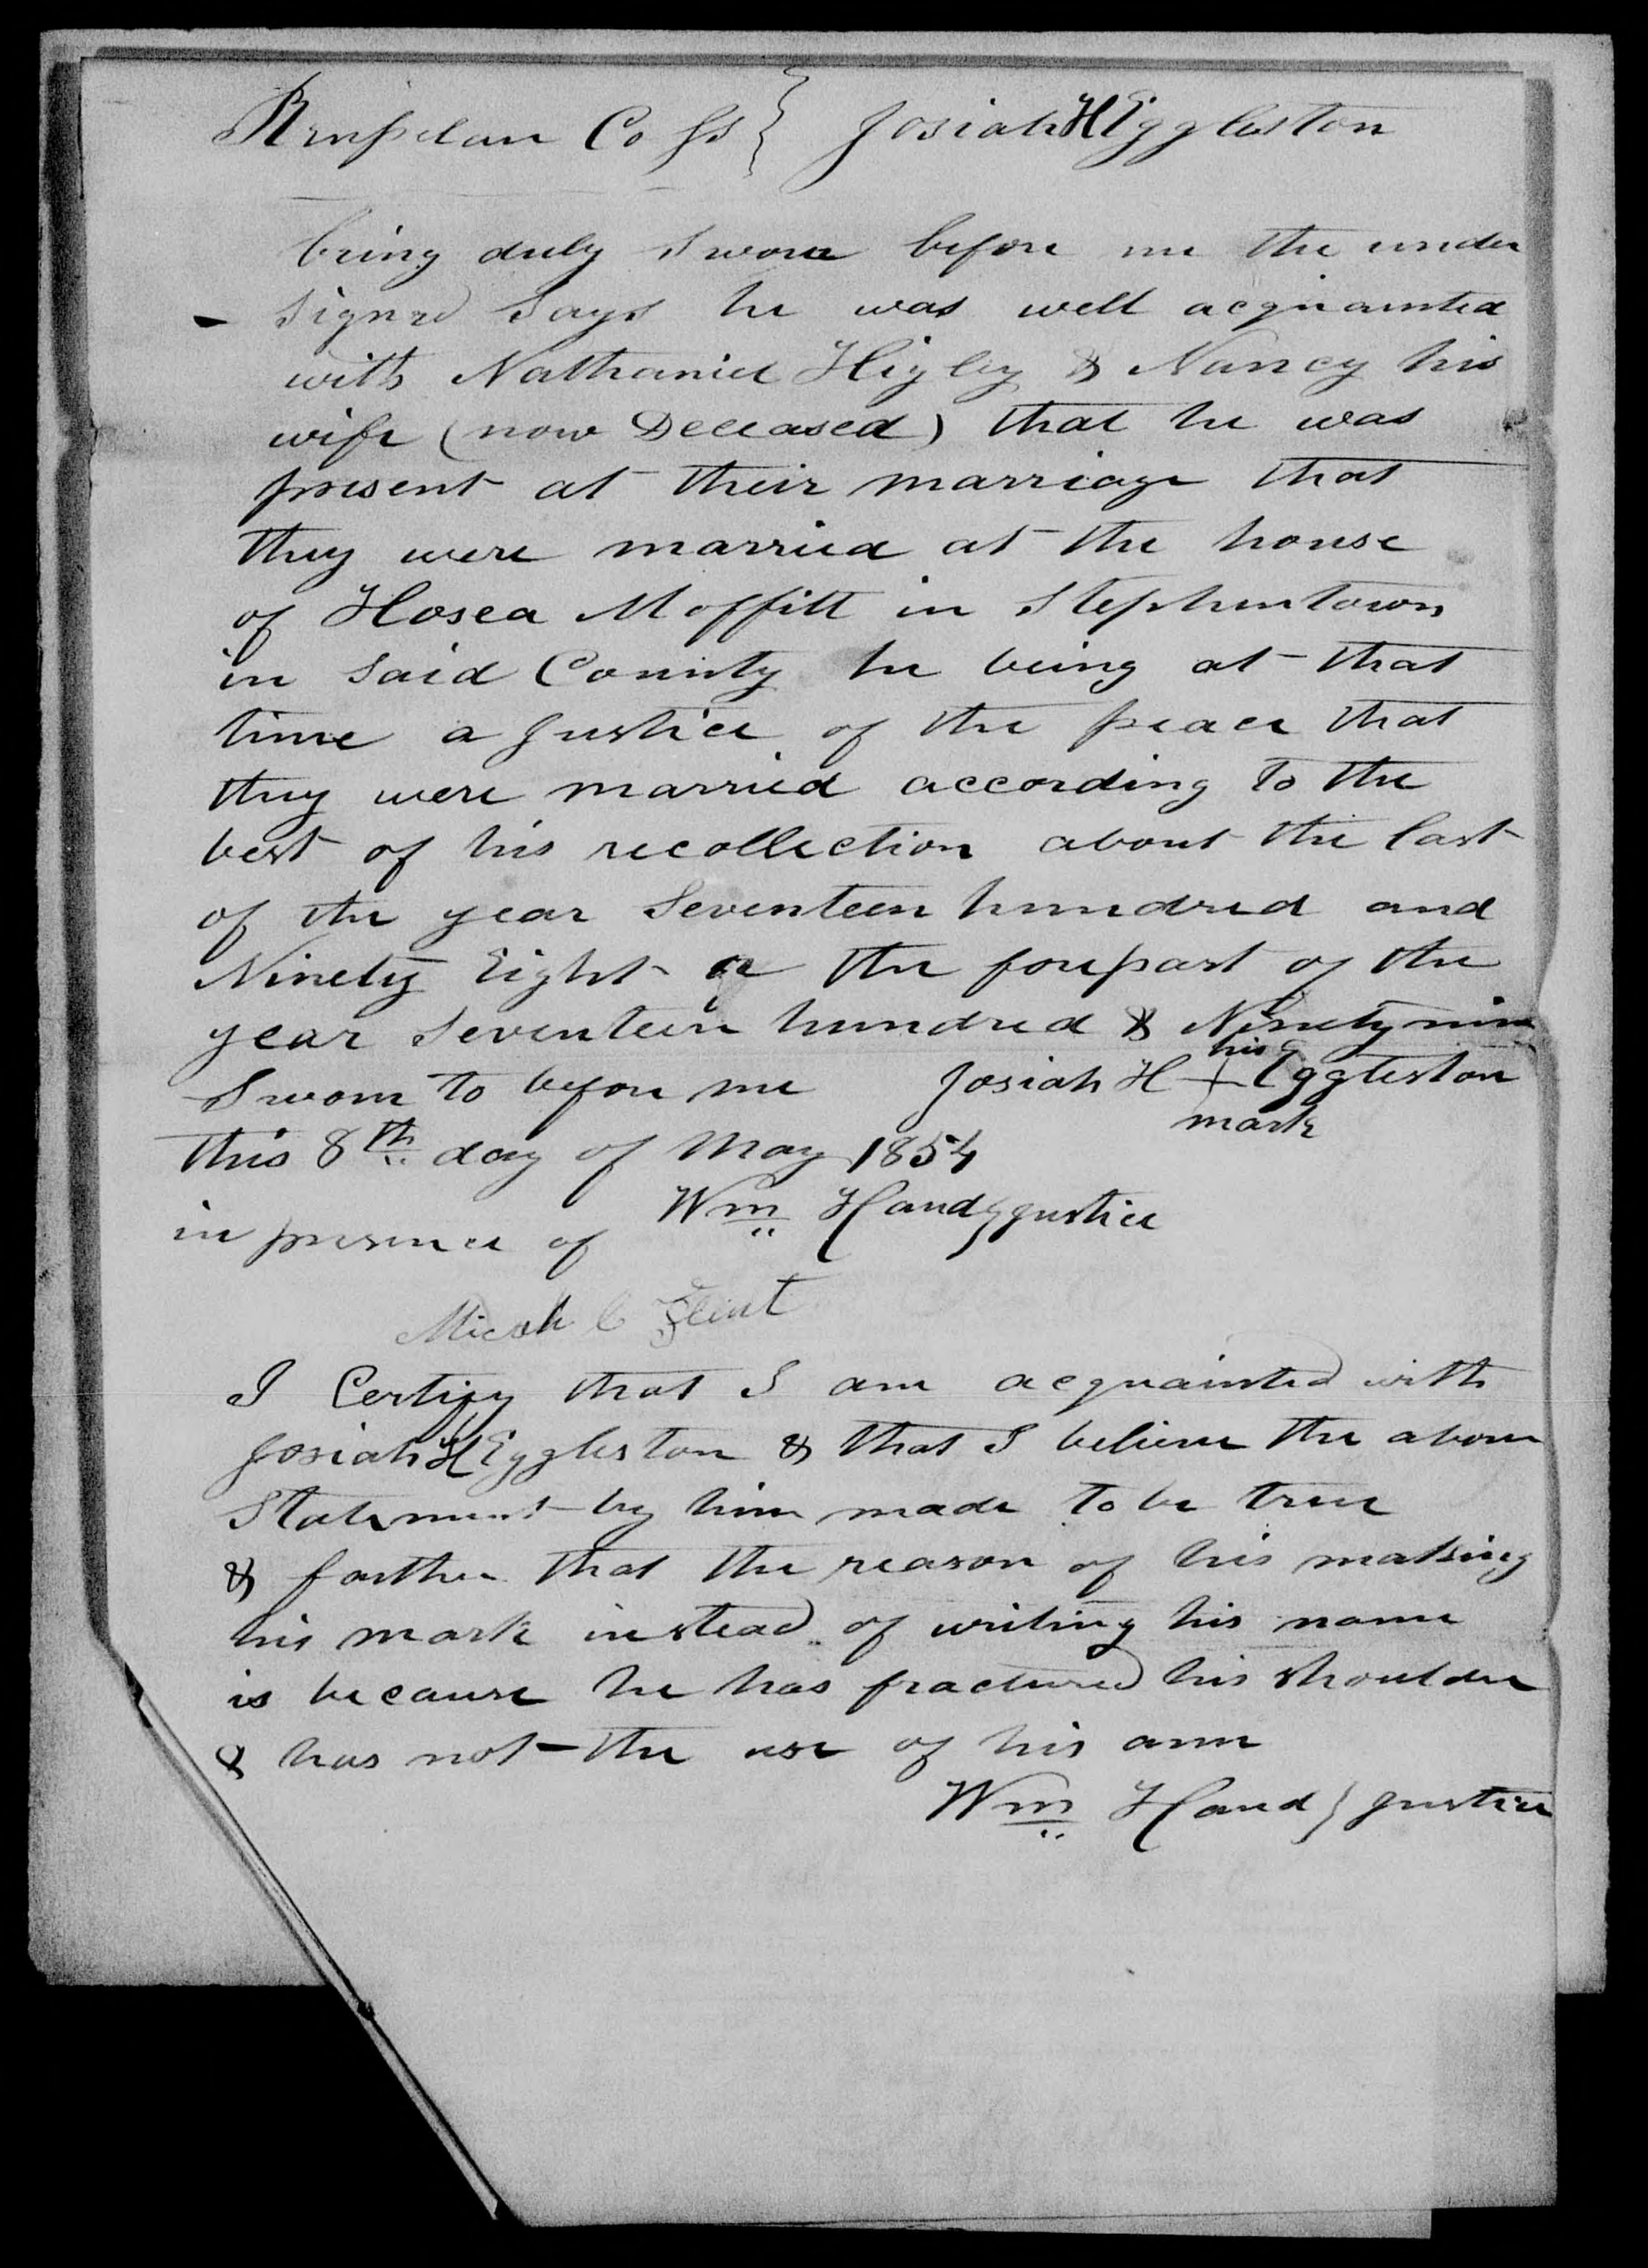Renselaer Co. Fs } Josiah H Eggleston

being duly sworn before me the under signed says he was well acquainted with Nathaniel Higby & Nancy his wife (now deceased) that he was present at their marriage that they were married at the house of Hosea Moffitt in Stephenstown in said Conty he being at that time a justice of the peace that they were married according to the best of his recollection about the last of the year Seventeen hundred and Ninety Eight & the forepart of the year Seventeen hundred & Ninety nine.
             His
Josiah H + Eggleston
             mark

Sworn to before me this 8th day of May 1854 Wm Handygushie
in presence of Micah C Flint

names: Hosea Moffitt, Nathaniel Higley, Micah C Flint, Wm Hand, Josiah H Eggleston, Nancy, Josiah H Eggleston, Wm Hand, Josiah H Eggleston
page: 10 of 25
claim: rejected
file: R. 4972, Nathaniel Higby, Conn.